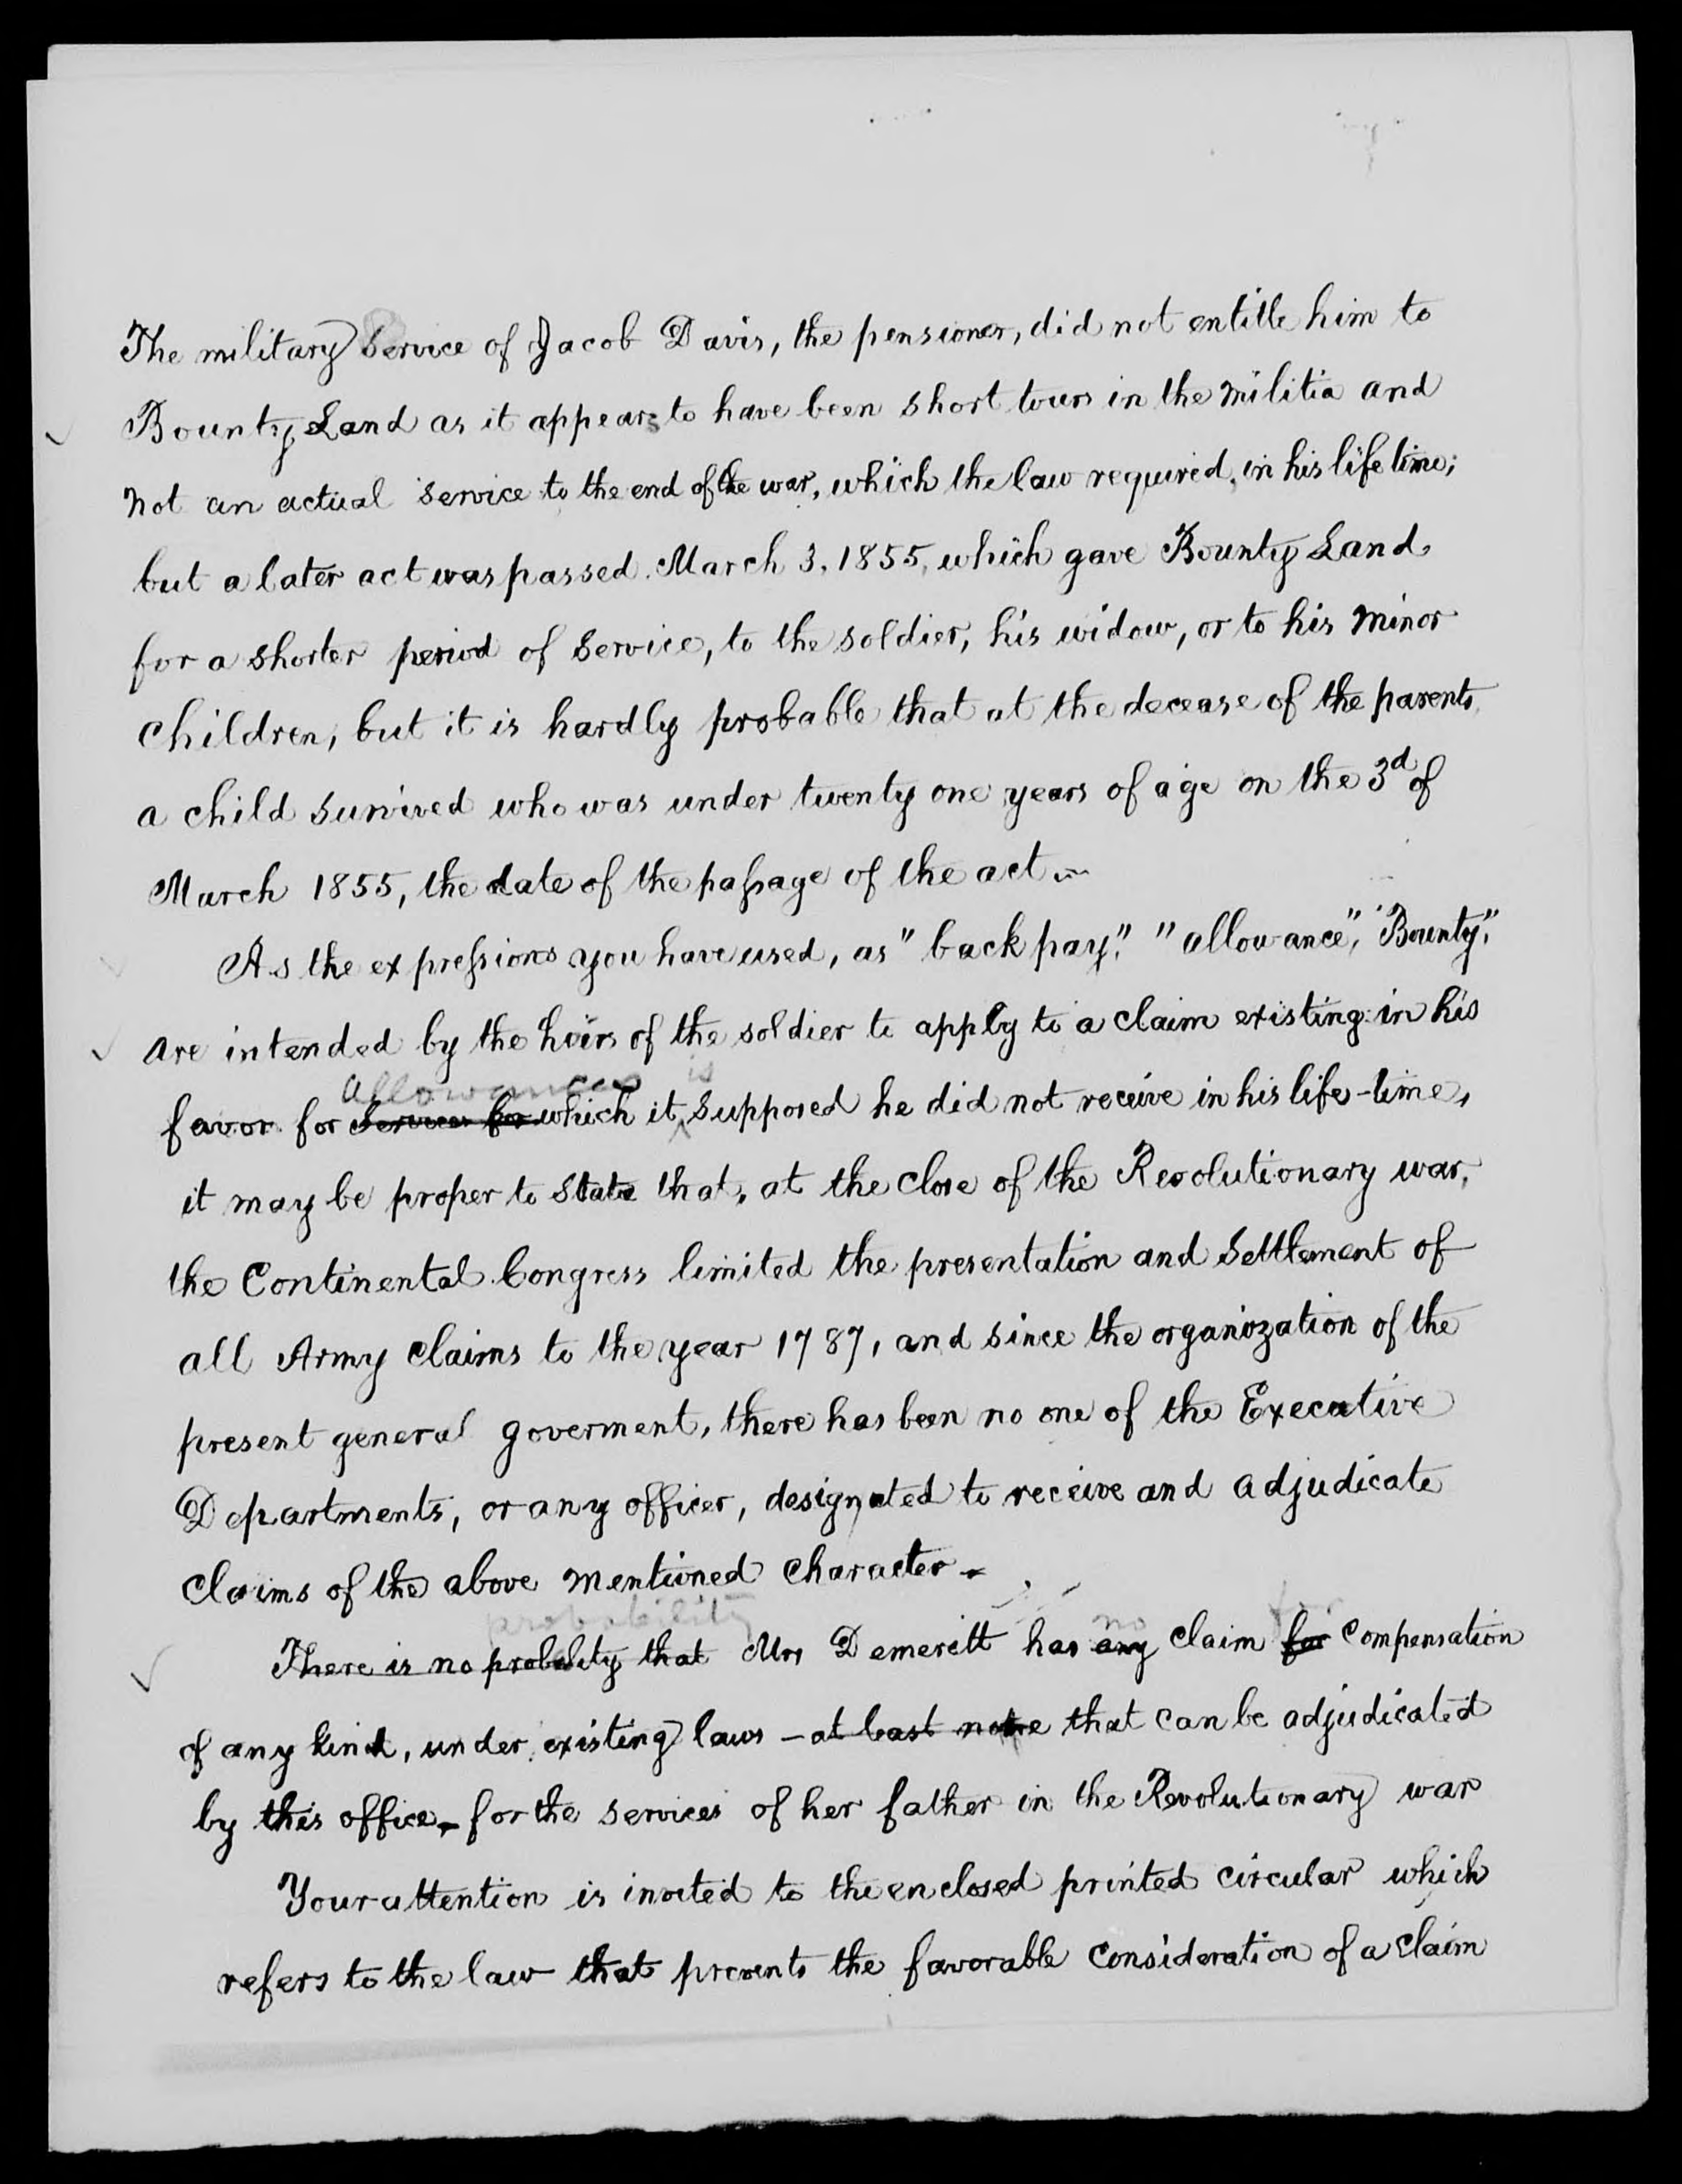The military service of Jacob Davis, the pensioner, did not entitle him to Bounty Land as it appears to have been short tours in the militia and not an actual service to the end of the war, which the law required, in his life time; but a later act was passed March 3, 1855, which gave Bounty Land for a shorter period of service, to the soldier, his widow, or to his minor
children, but it is hardly probable that at the decease of the parents, a child survived who was under twenty one years of age on the 3d of March 1855, the date of the passage of the act.
As the expressions you have used, as "back pay. "allowance", "Bounty" are intended by the heirs of the soldier to apply to a claim existing in his favor for allowances which it is supposed he did not receive in his life time, it may be proper to state that, at the close of the Revolutionary war, the Continental Congress limited the presentation and Settlement of all Army claims to the year 1787, and since the organization of the present general goverment, there has been no one of the Executive Departments, or any officer, designated to receive and adjudicate claims of the above mentioned character.
[crossed out] There is no probablity [probability] that Mrs Demeritt has no [crossed out] any claim for compensation
of any kind, under existing laws-- at least none that can be adjudicated by this office for the services of her father in the Revolutionary war
Your attention is invited to the enclosed printed circular which
refers to the law that presents the favorable consideration of a claim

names: Jacob Davis, Demeritt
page: 47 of 47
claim: widow's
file: W. 24043, Jacob Davis, N.H.